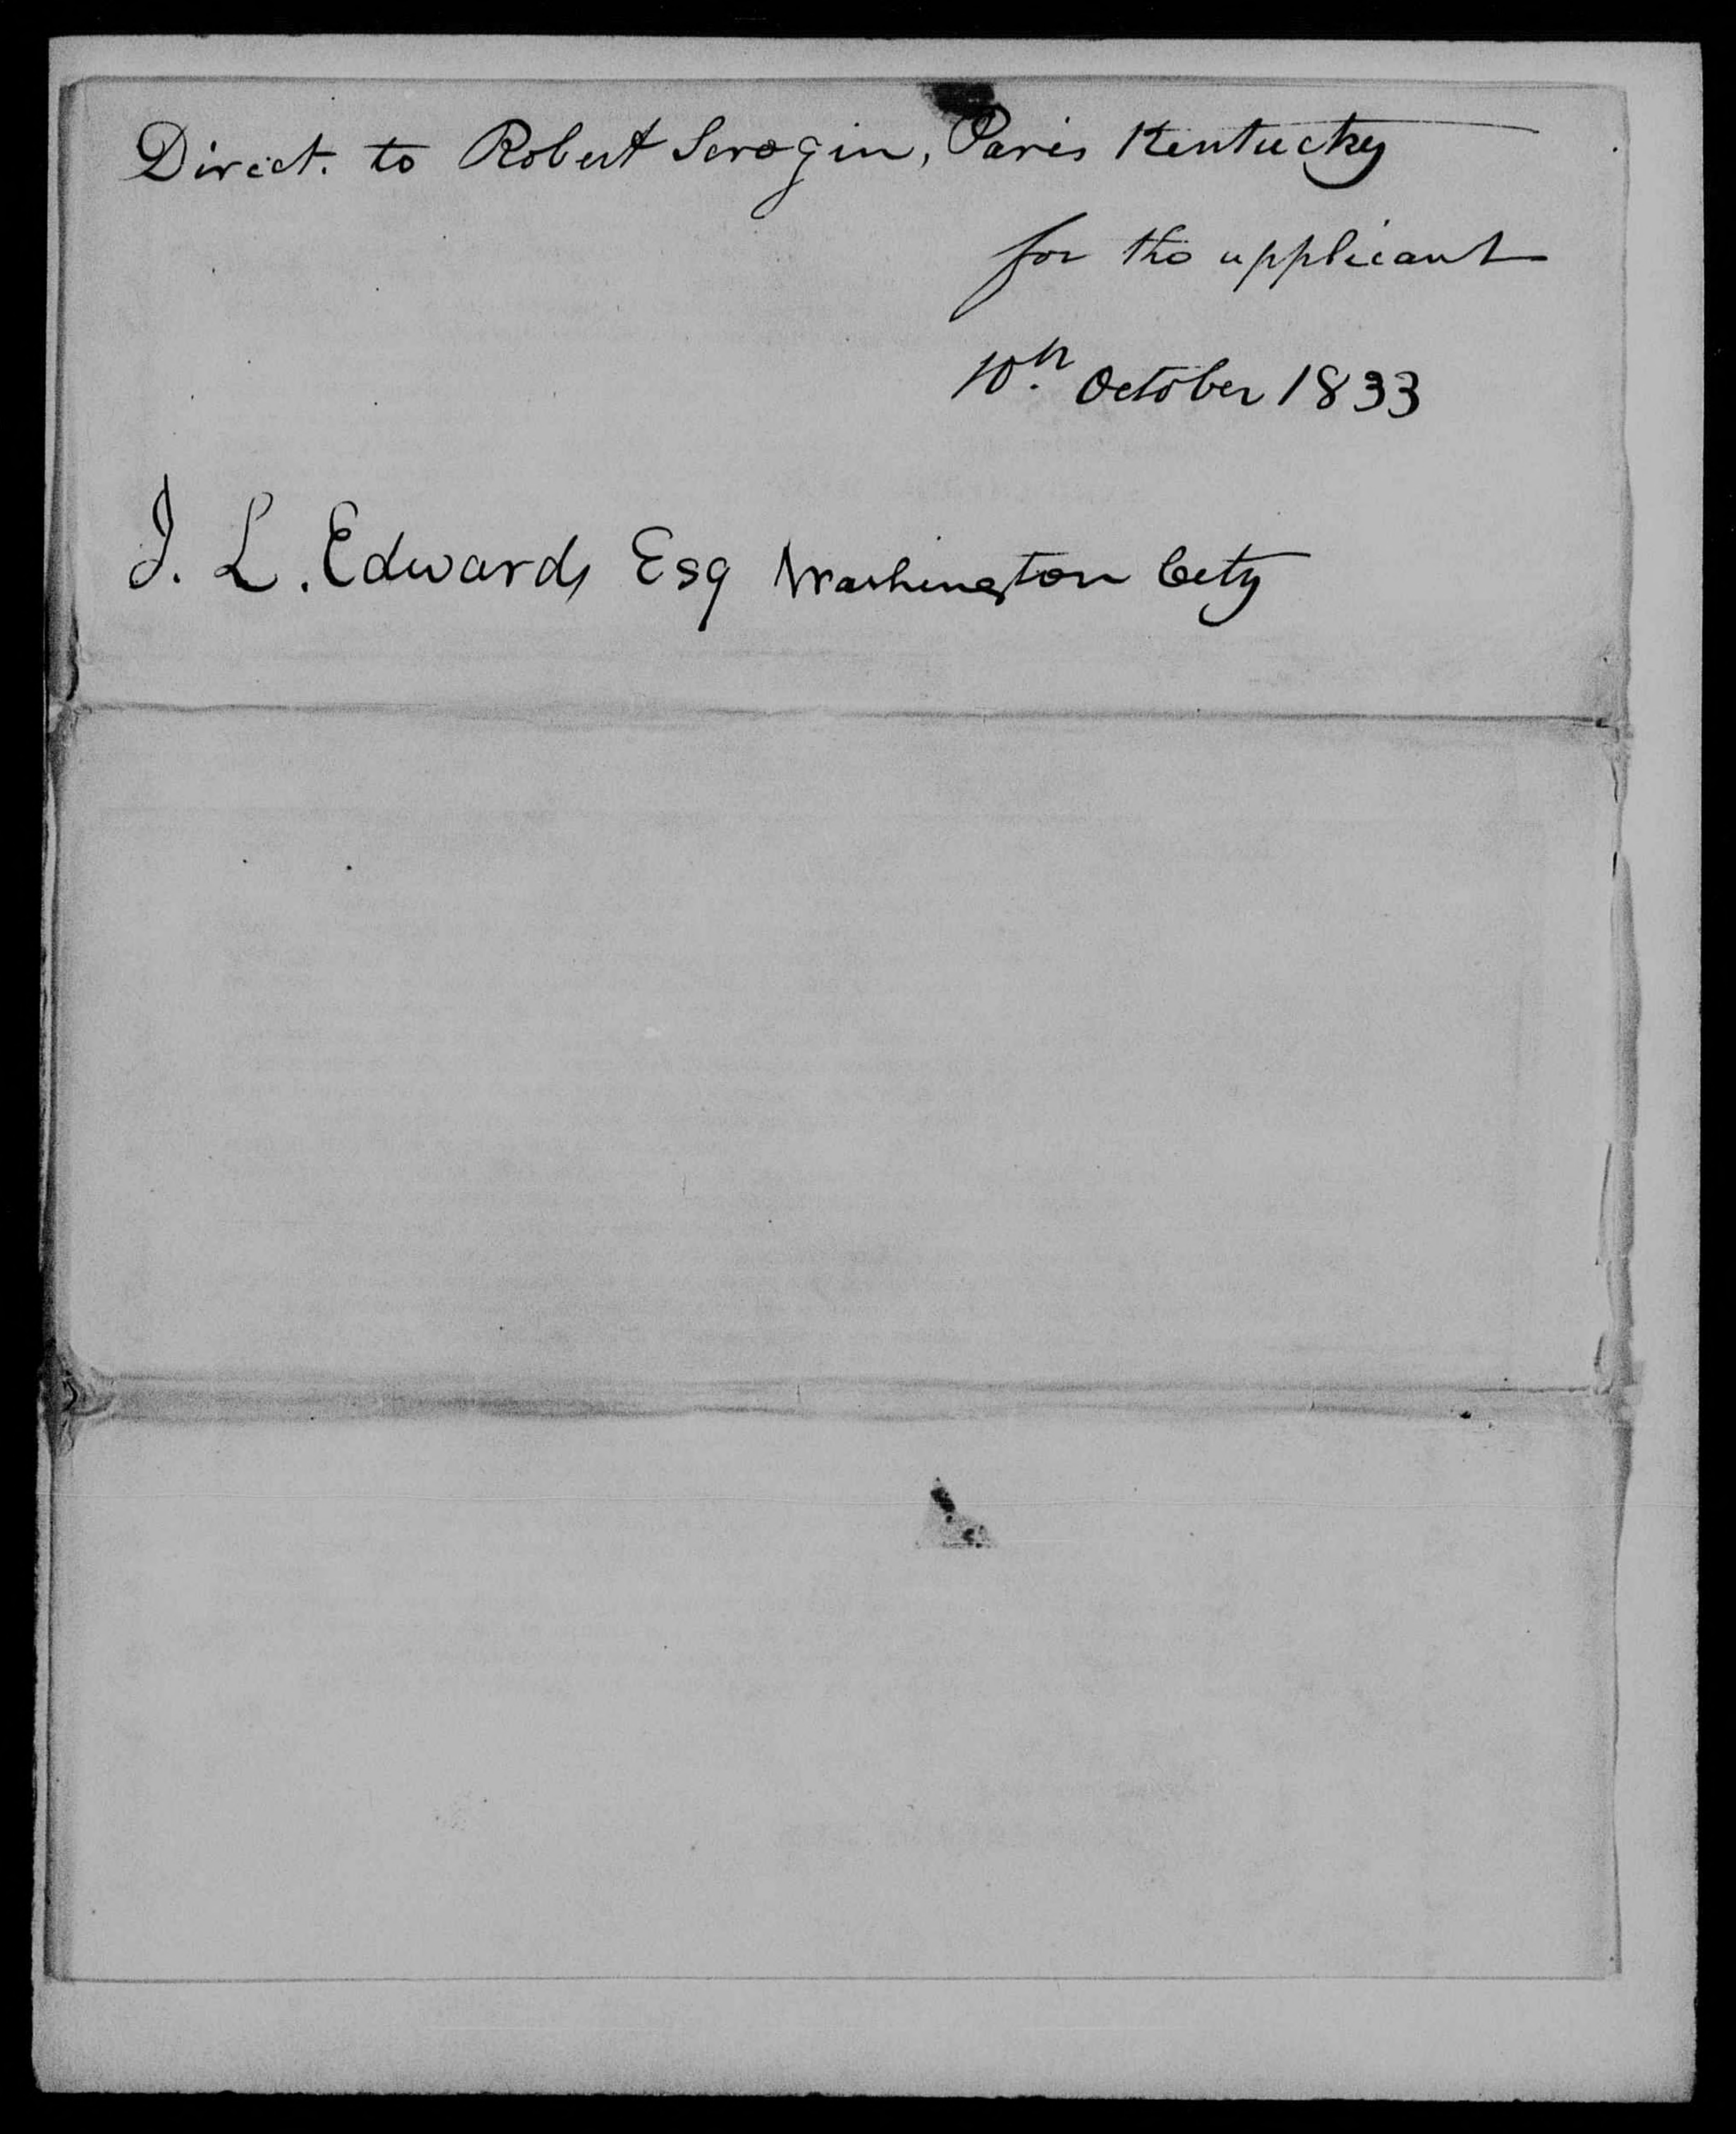J.
Direct to Robert Scrogin, Paris Kentucky
for the applicant
10th October 1833
J.L. Edwards Esq Washington City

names: J L Edwards, Robert Scrogin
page: 58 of 84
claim: widow's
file: W. 7744, Daniel Hickey, Penn.